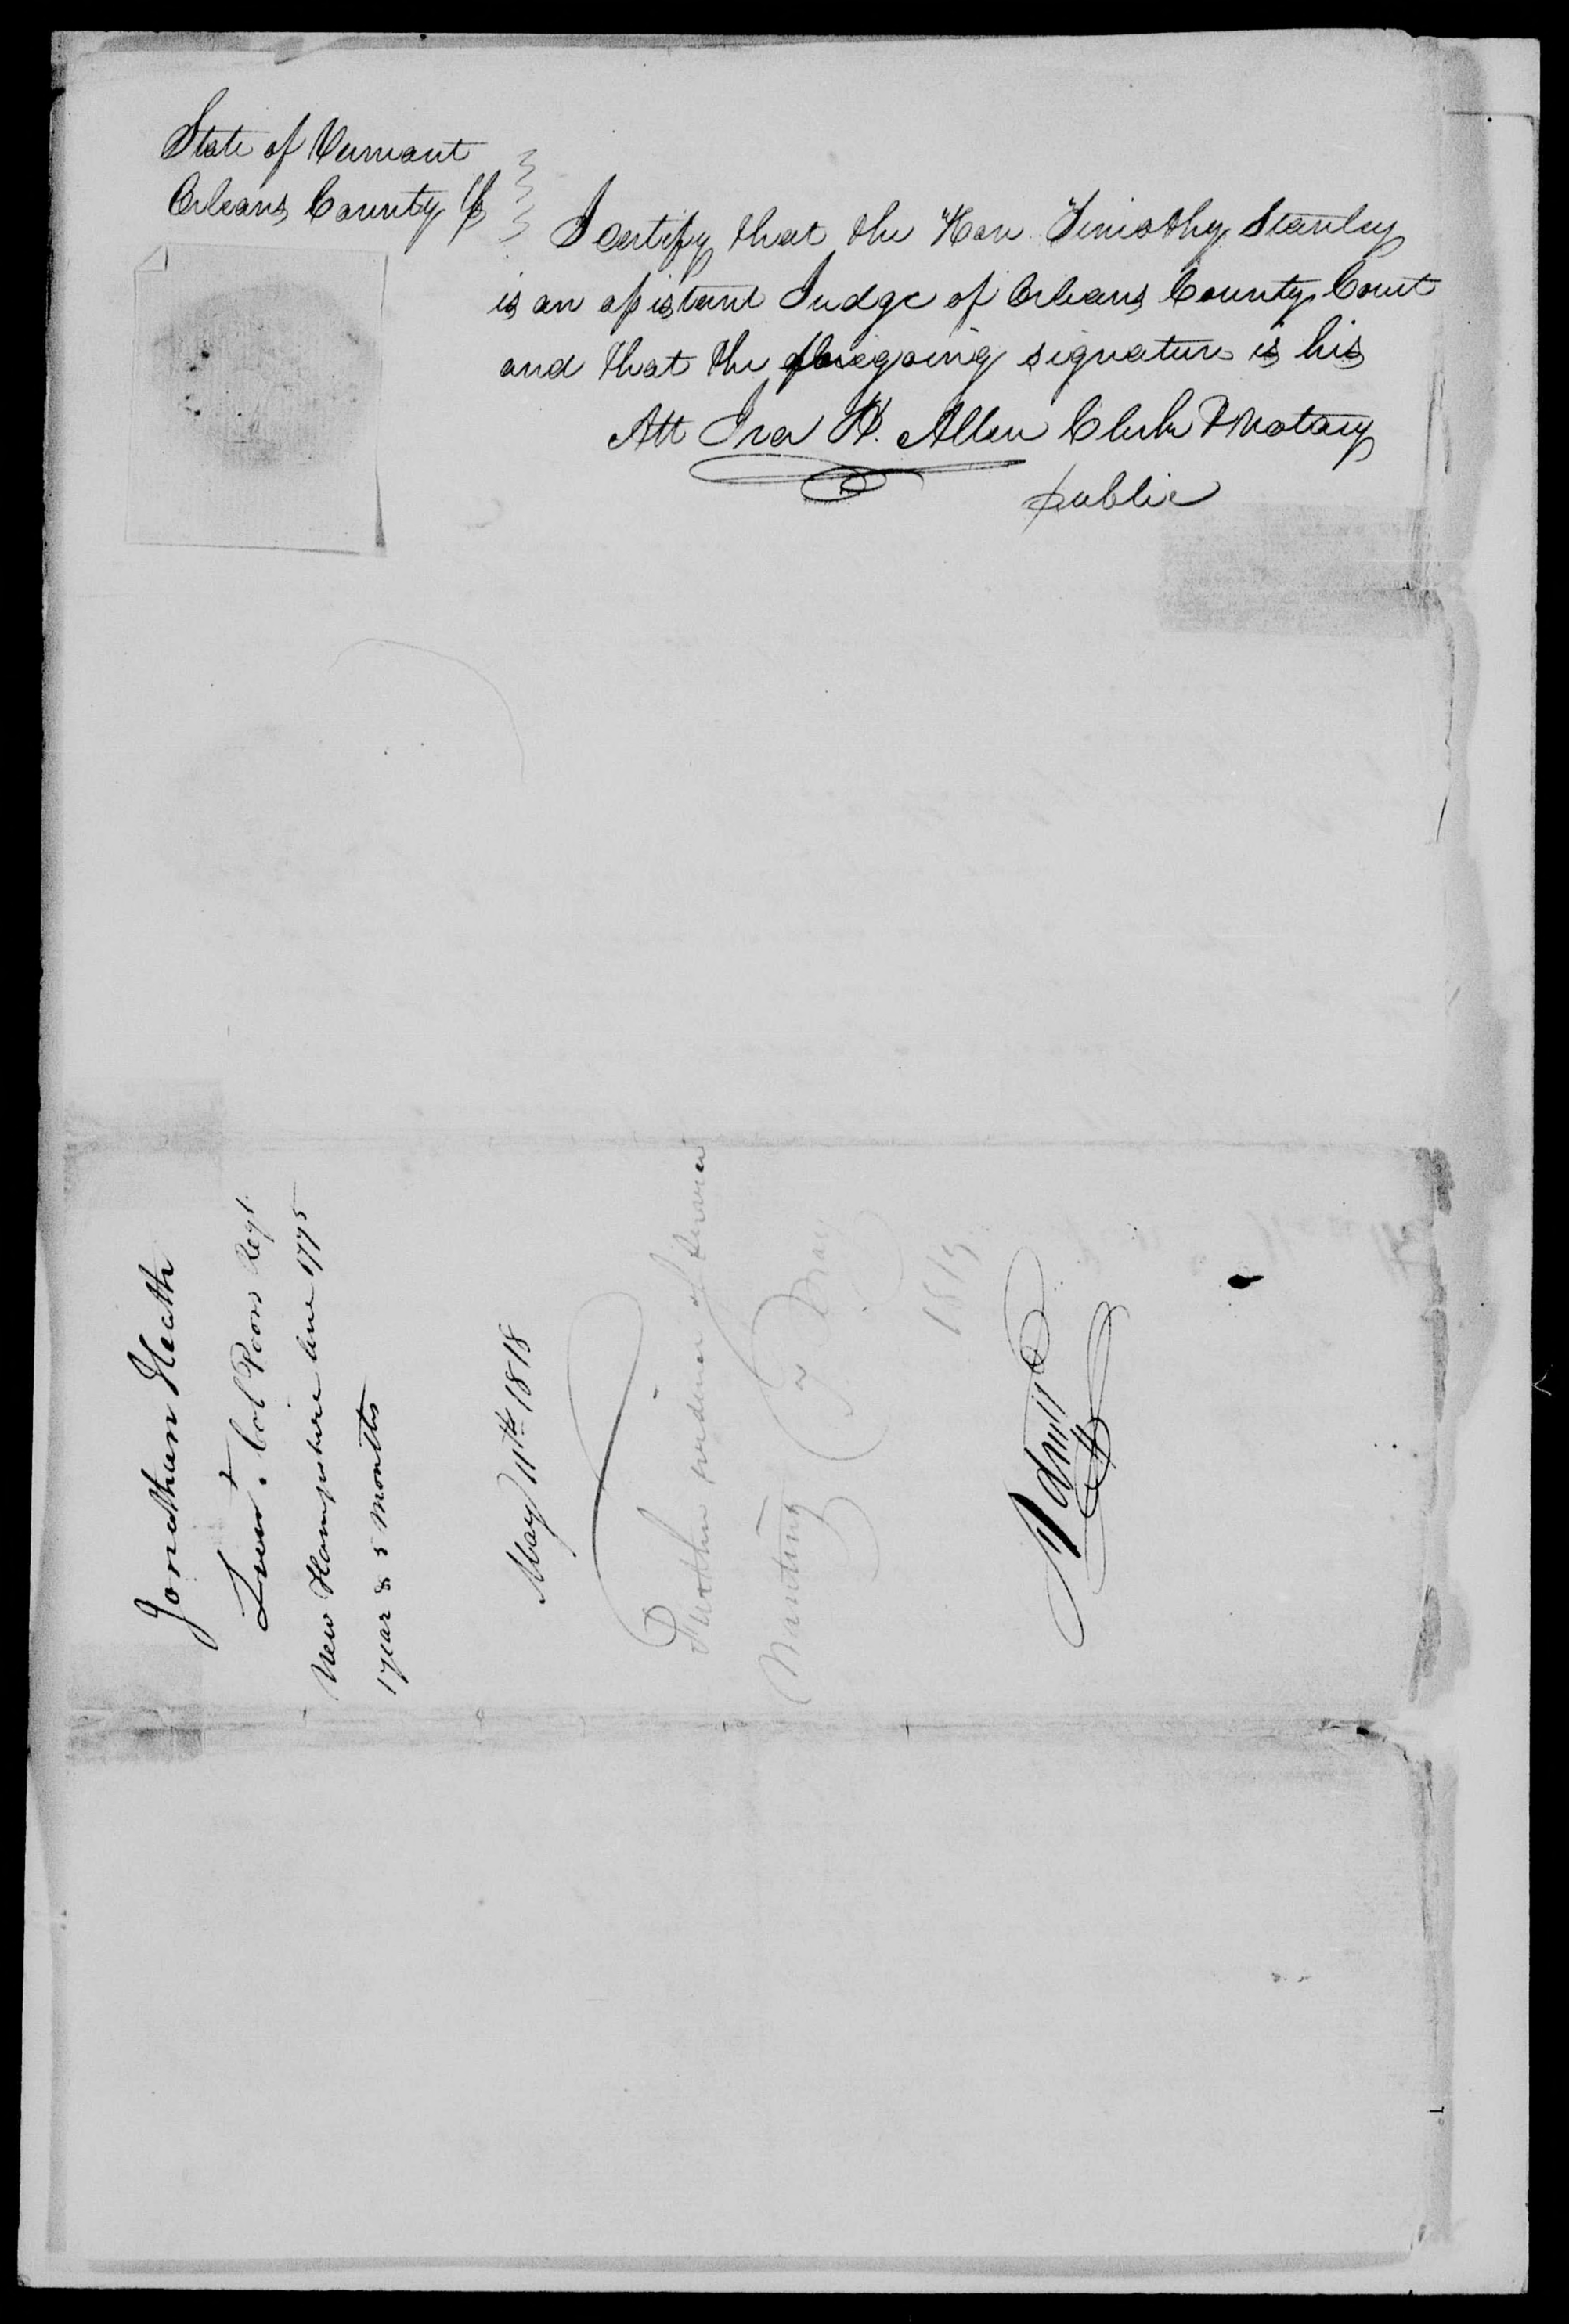State of Vermont}
Orleans County ss}

I certify that the Hon Timothy Stanley
is an assistant Judge of Orleans County Court
and that the foregoing signature is his
Att Ira H Allen Clerk & Notary Public

Jonathan Heath Lieut. & Col. Poor Regt,  
New Hampshire line 1775 years & 5 months
May 11th 1818

Further evidence of service wanting 7 May
1819

Adm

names: Ira H Allen, Jonathan Heath, Timothy Stanley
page: 5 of 22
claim: survivor's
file: S. 38821, Jonathan Heath, Continental N.H.